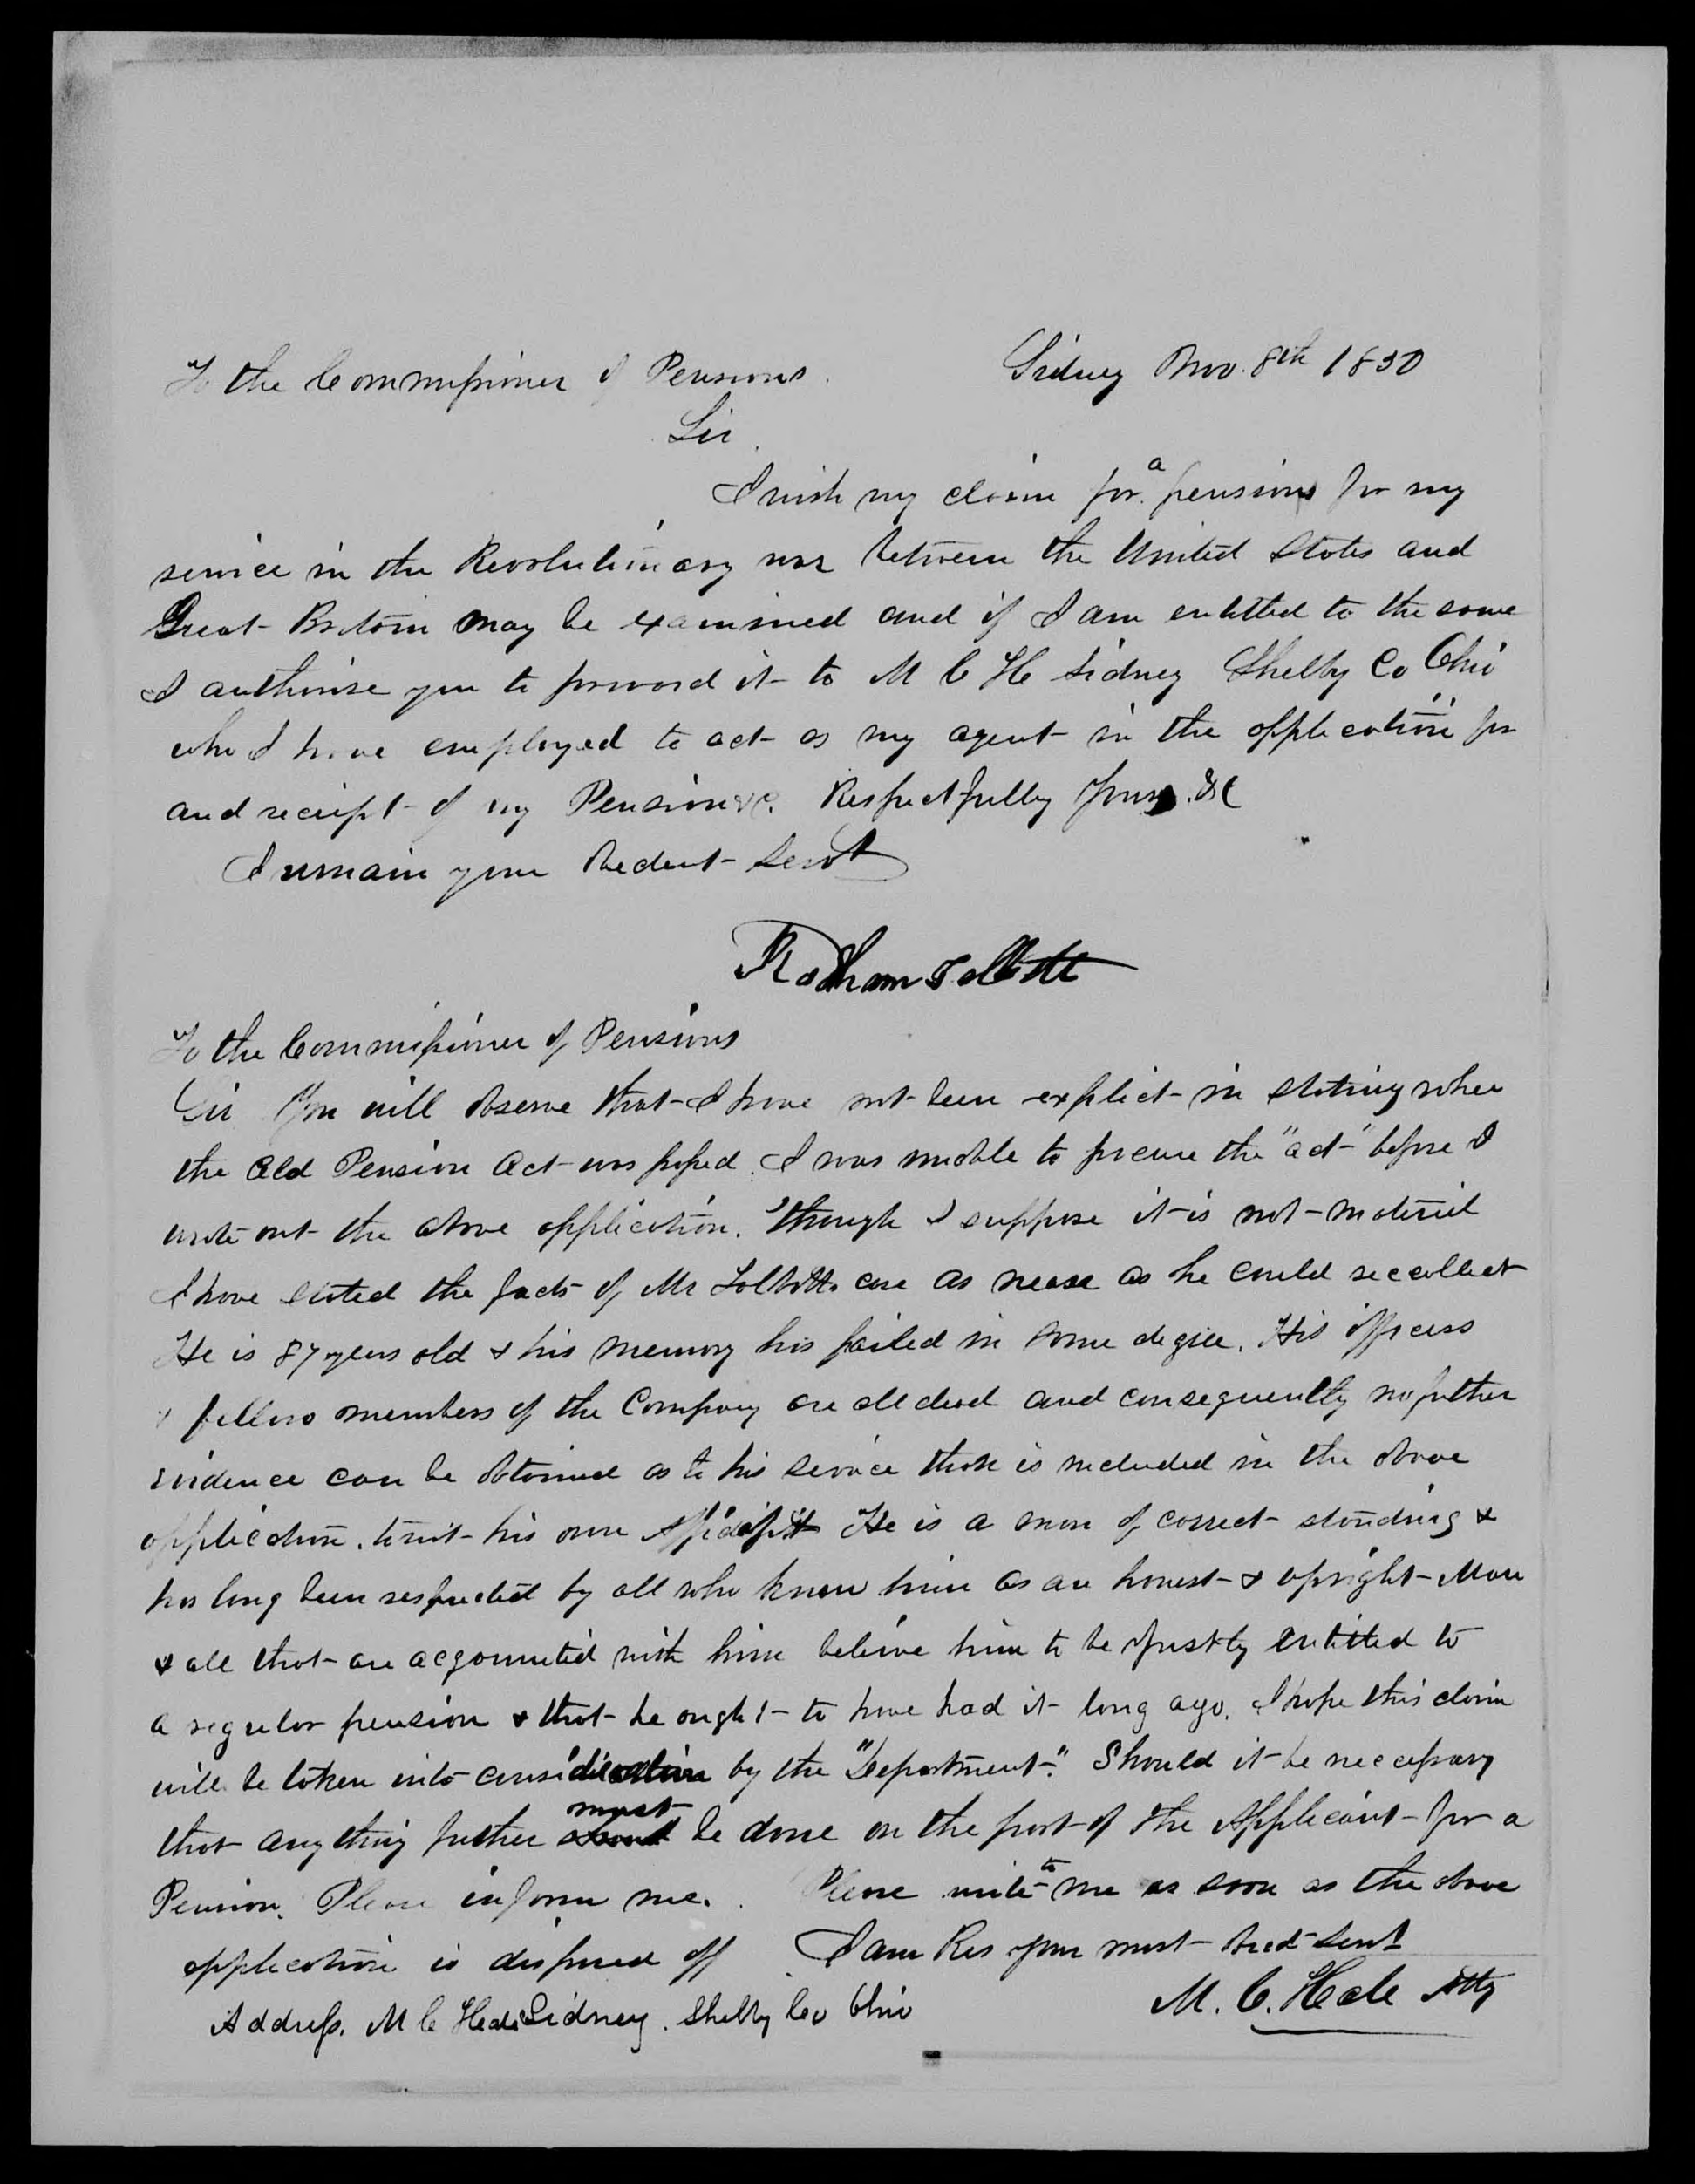To the Commissioner   
of Pensions,                    Friday, Nov. 8th, 1830

Sir, 
I wish my claim for a pension for any service in the Revolutionary War between the United States and Great Britain may be examined, and if I am entitled to the same, I authorize you to forward it to M.C.H. Sidney, Shelby Co. Ohio, who I have employed to act as my agent in the application for, and receipt of my Pension.
 Respectfully -illegible-
I remain your obedient servant,
                             Rodham Talbott

To the Commissioner of Pensions,
Sir, you will observe that I have not been explicit in stating when the Old Pension Act was passed.  I was unable to prove the "Act" before I wrote out the above application. Though I suppose it is non-material. I have stated the facts of Mr. Talbott's case as  precise as he could recollect.  He is 87 years old & his memory has failed in some degree.  His Officers and fellow members of the Company are all deceased, and consequently, no further evidence can be obtained as to his service. This is included in the above application with his own affidavit. He is a man of correct standing & has long been respected by all who know him as an honest 
& upright man & all that are acquainted with him believe him to be justly entitled to 
a regular pension & that he ought to have had it long ago. I hope this claim will be taken into consideration by the "Department". Should it be necessary that anything further must be done on the part of the applicant for a pension, please inform me.   Please write to me as soon as the above application is disposed of.    -illegible-
Address: M L Heals Sidney,  Shelby County, Ohio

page: 6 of 7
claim: rejected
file: R 10378, for Rodham Talbott, Virginia